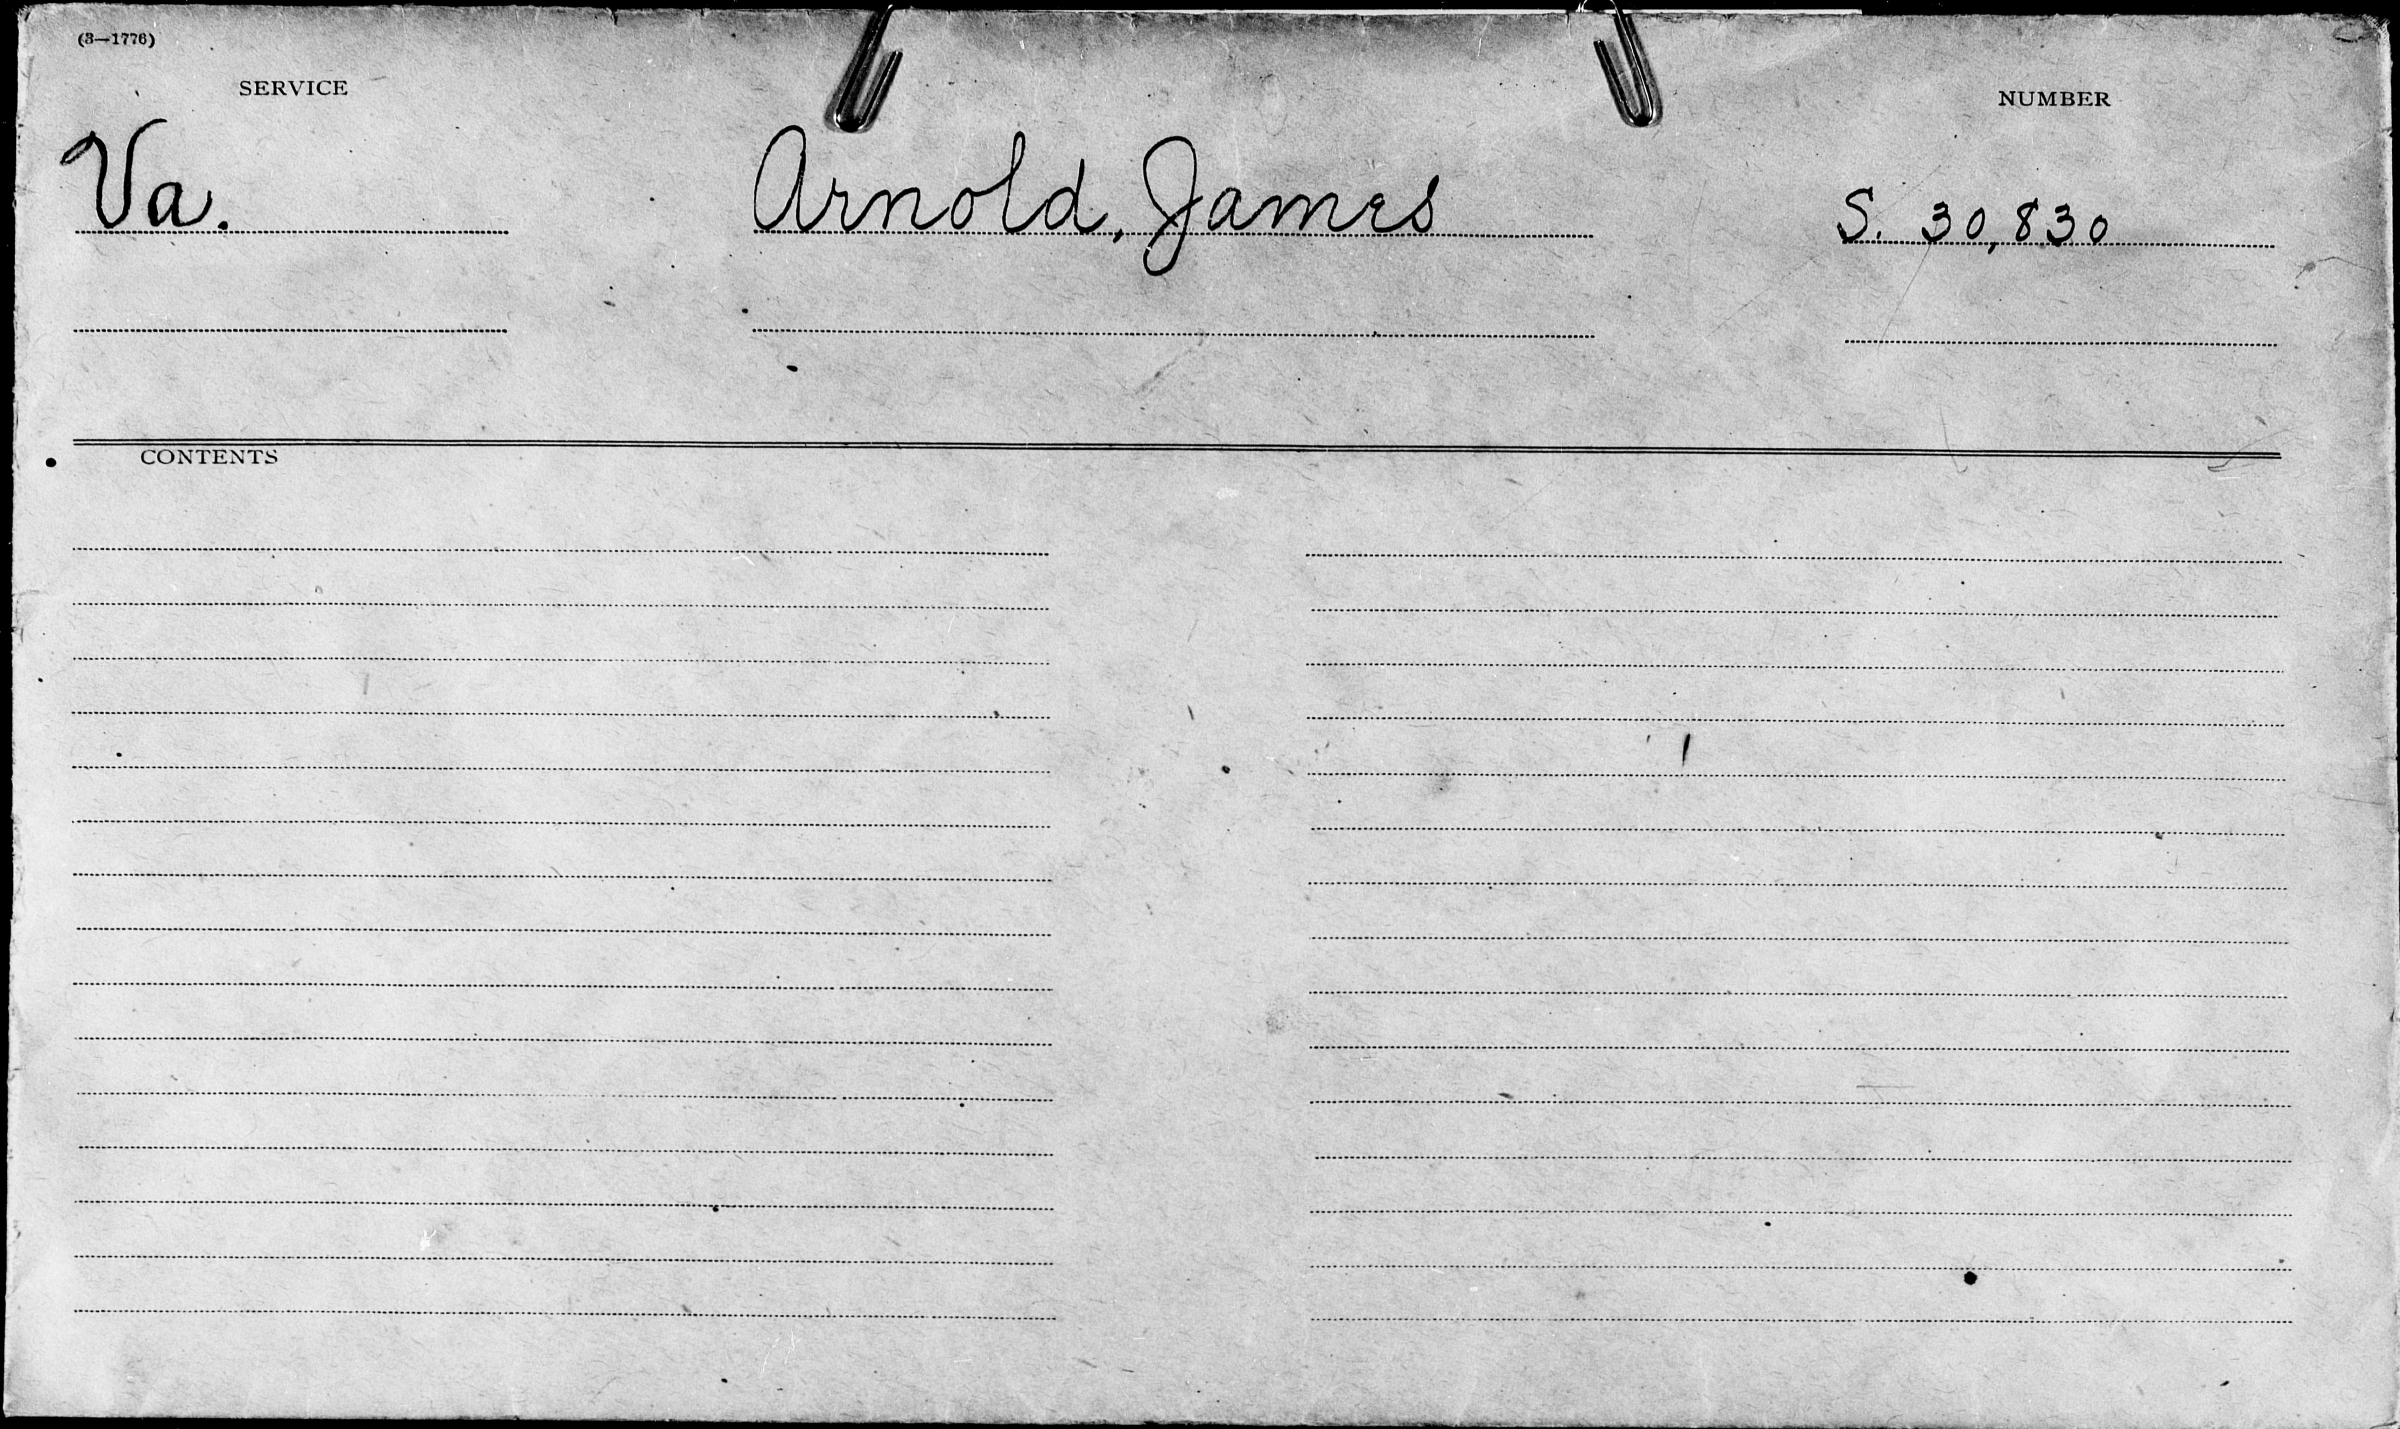(3-1776)

SERVICE
Va.

Arnold. James 

NUMBER
S. 30,830

CONTENTS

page: 1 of 32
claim: survivor's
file: S. 30,830, James Arnold, Va.